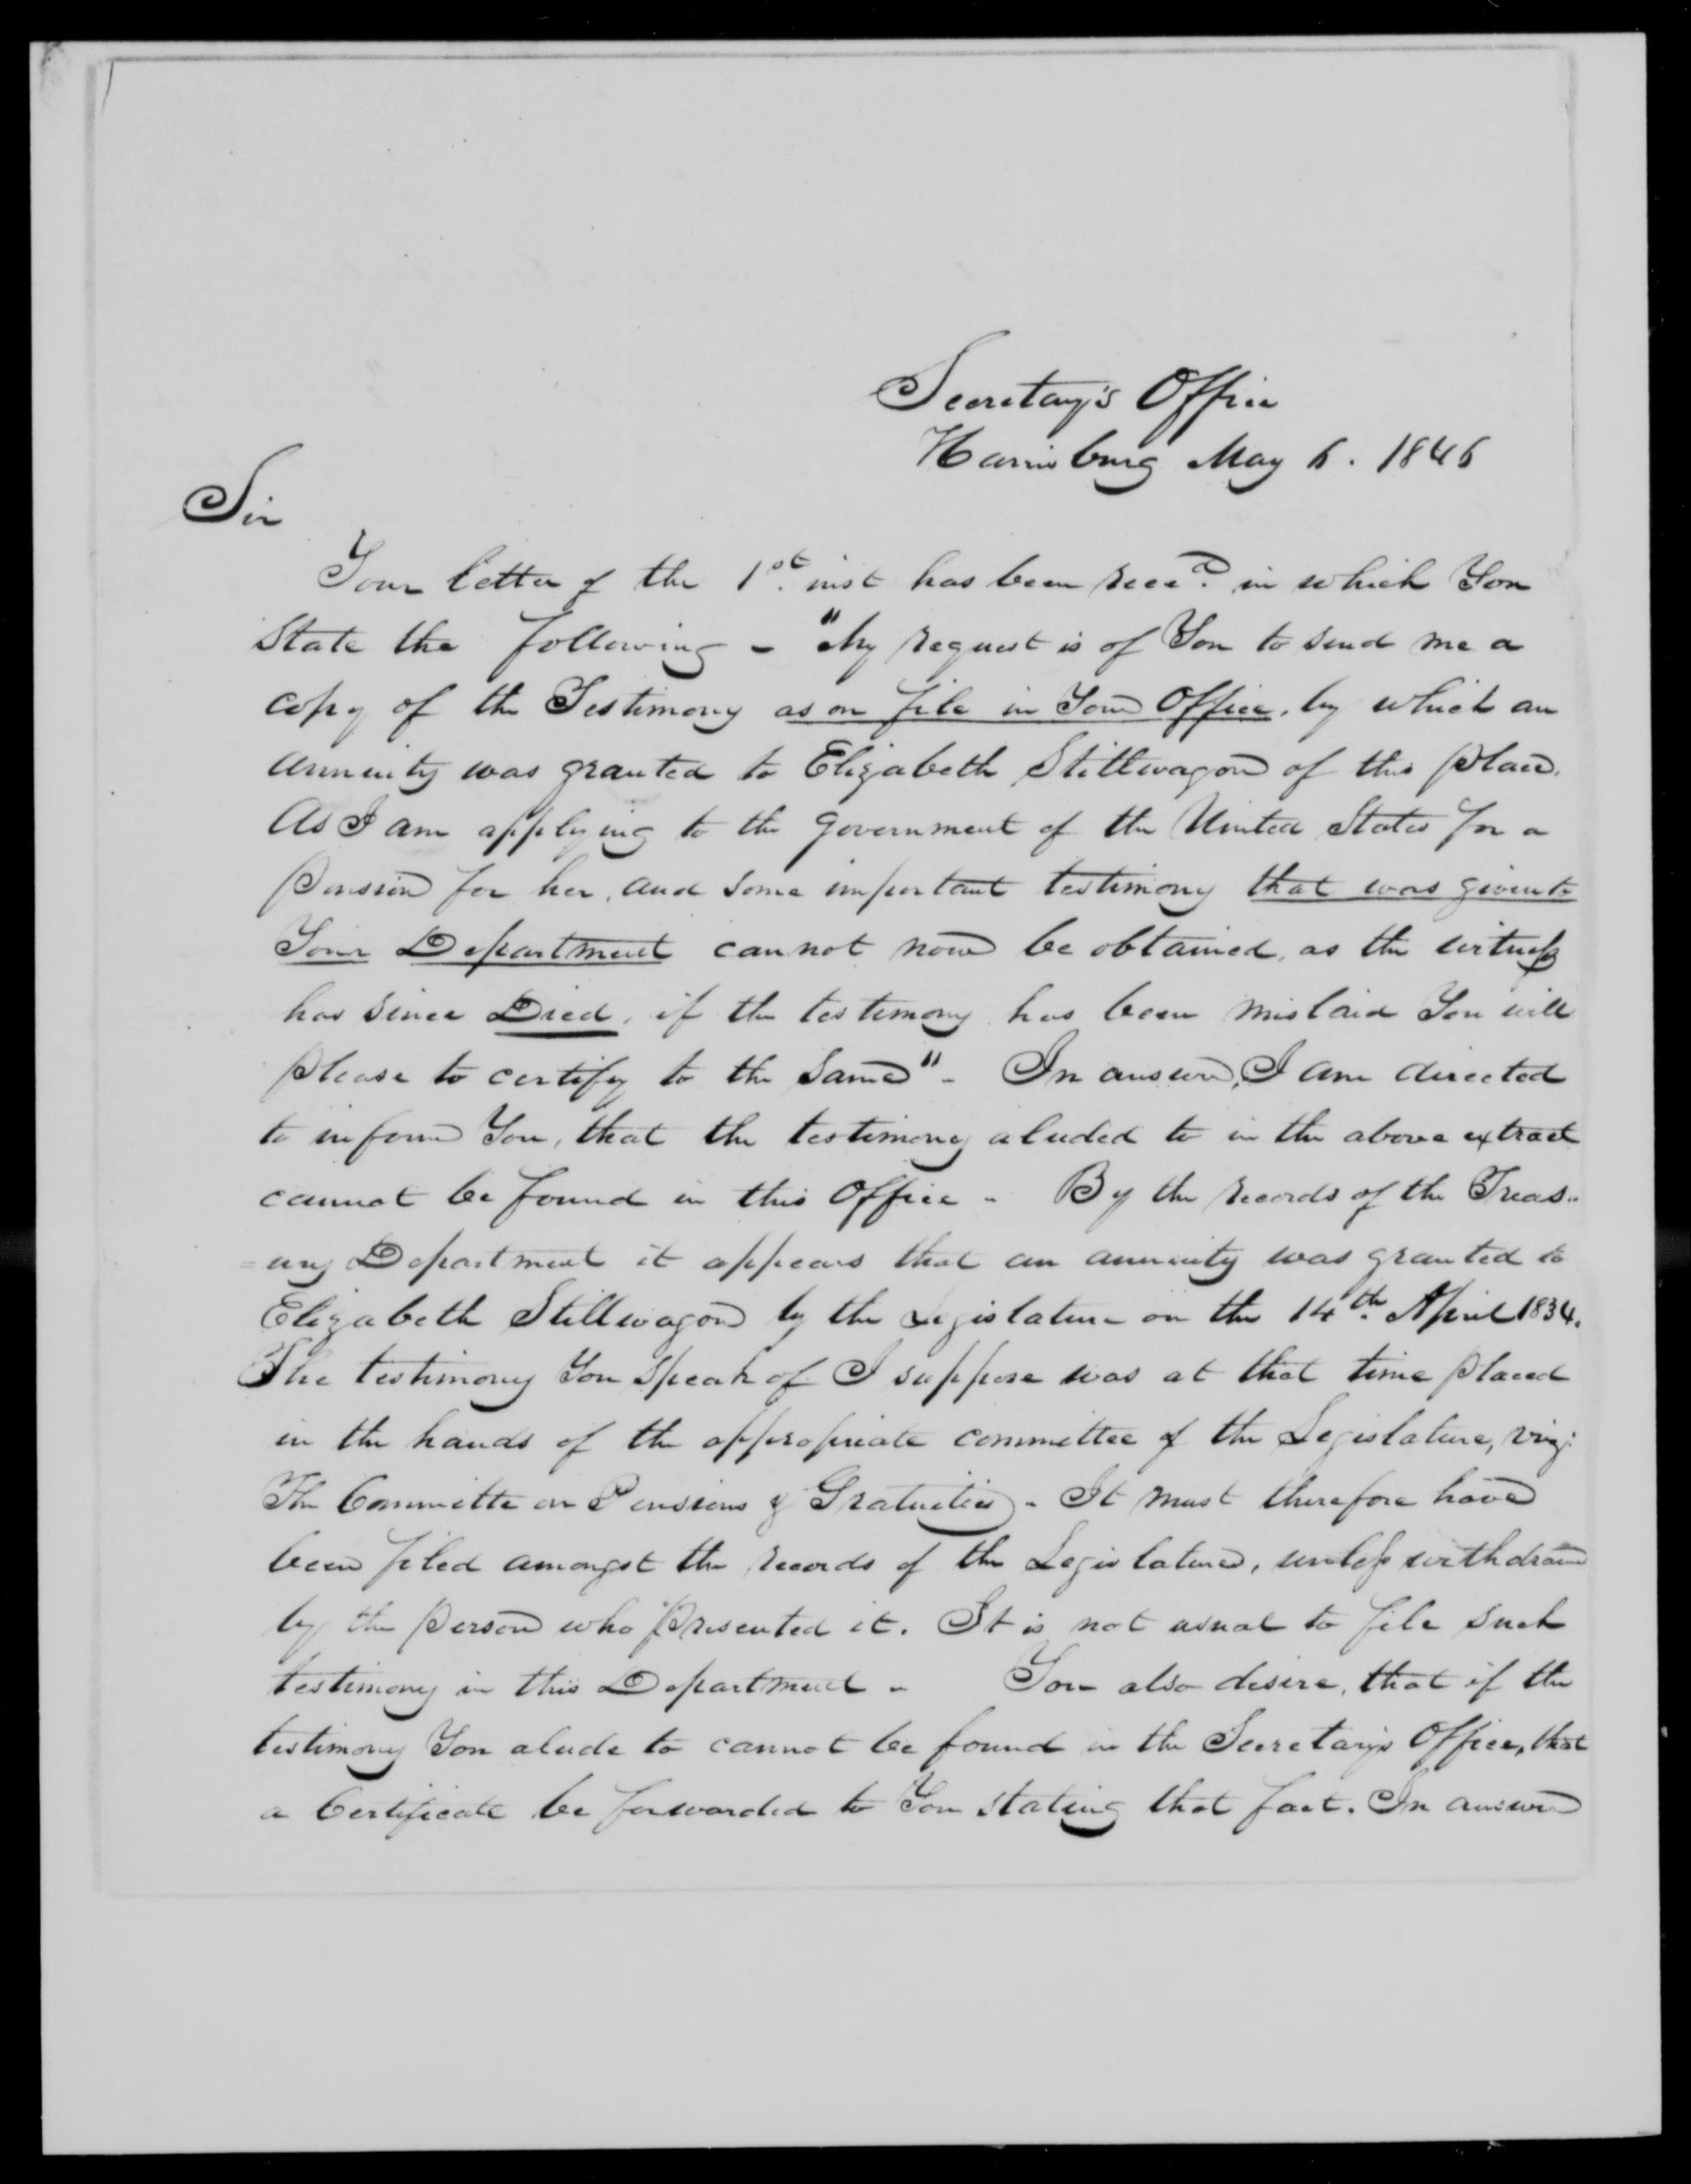Secretary’s Office
Harrisburg May 6 [could be 5], 184[5 or 6]
Sir,
Your letter of the 1st inst has been rec’d in which you state the following, “ My request is of you to send me a copy of the Testimony as on file in your office by which an annuity was granted to Elizabeth Stillwagon of this place. As I am applying to the government of the United States for a pension for her and some important testimony that was given to your Department cannot now be obtained as the [illegible] has since Died if the testimony has been mislain [sic] you will please to certify to the same.” In answer I am directed to inform you that the testimony aluded [sic] to in the above extract cannot be found in this office. By the records of the Treasury Department it appears that an annuity was granted to Elizabeth Stillwagon by the Legislature on the 14th April 1834. This testimony you speak of I suppose was at that time placed in the hands of the appropriate committee of the Legislature [illegible] the Commission on Pensions & Gratuities. It must therefore have been filed amongst the records of the Legislature, unless withdrawn by the Person who Presented it. It is not usual to file the Testimony in this Department. You also desire that if this testimony you alude [sic] to cannot be found in the Secretary’s Office, that a Certificate be forwarded you stating that fact. In answer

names: Elizabeth Stillwagon; Elizabeth Stillwagon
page: 30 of 73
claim: widow's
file: W. 3197, for Peter Stillwagon, New Jersey